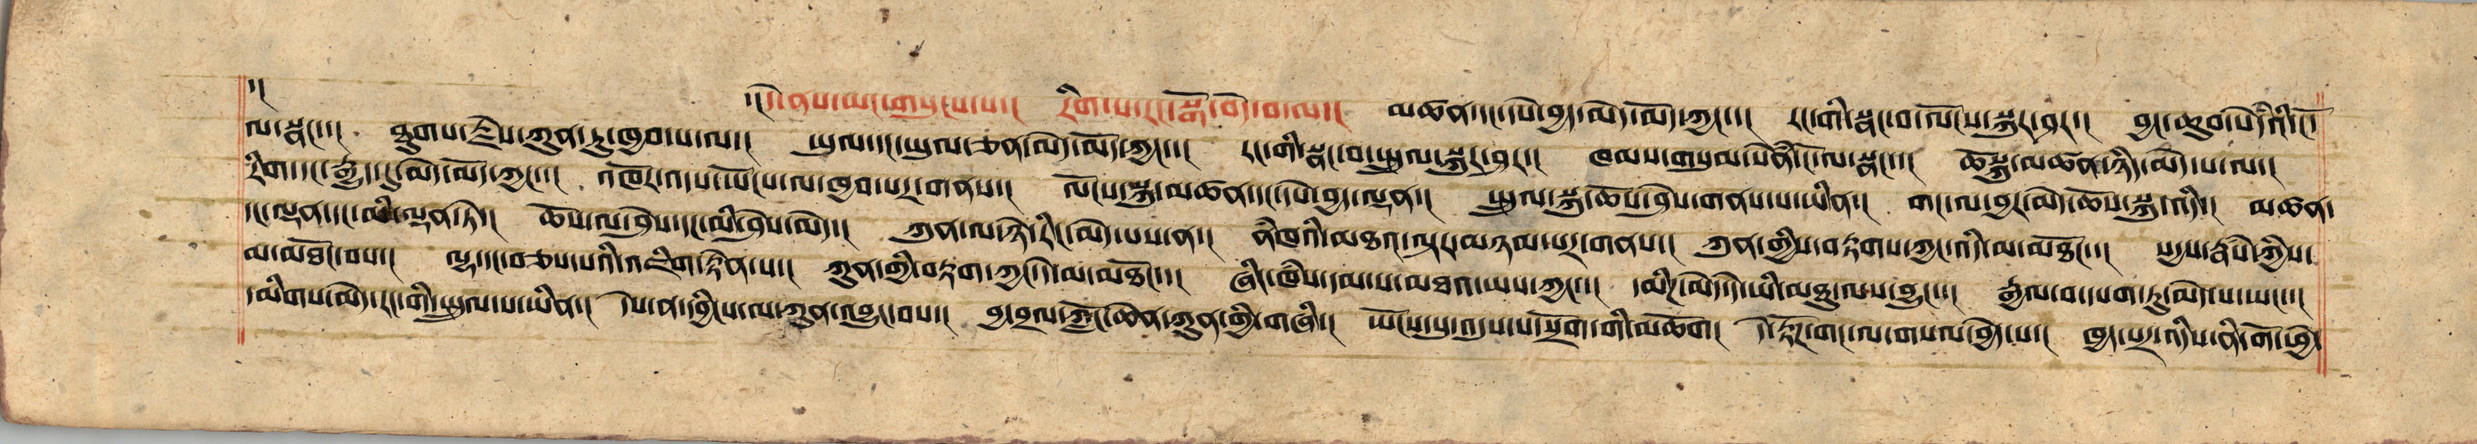་།དེ་ནས་ཡང་གསུངས་པ་། རིག་པ་རང་སྒོ་བདེ་བ་ལ་། མཚན་དང་དཔེ་བྱད་མེད་མོད་ཀྱང་་། རང་གི་སྣང་བ་ལོངས་སྐུར་ཤར་། བྱང་ཆུབ་སེཾདེའི་ངོ་
ལ་སྣང་་། ཐུགས་རྗེས་ཀུན་ཏུ་ཁྱབ་པ་ལ་། ཡུལ་དང་ཡུལ་ཅན་མེད་མོད་ཀྱང་་། རང་གི་སྣང་བ་སྤྲུལ་སྐུར་ཤར་། ཁམས་གསུམ་སེཾན་ངོ་ལ་སྣང་་། ཆོསྐུ་མཚན་ཉིད་མེད་པ་ལ་།
རིག་དང་རྒྱུད་དུ་མེད་མོད་ཀྱང་་། འཁོར་འདས་ཡོངས་ལ་ཁྱབ་པར་གནས་། ལོངས་སྐུ་མཚན་དང་དཔེ་བྱད་ལྡན་། སྤྲུལ་སྐུ་ཆོས་ཤེས་གནས་པ་ཡིན་། གང་ལ་བྱར་མེད་ཆོས་སྐུ་འདི་། མཚན་
དང་ལྡན་དང་མི་ལྡན་ཏེ་། ཆོས་ལ་ཤེས་དང་མི་ཤེས་མེད་། ཀུན་ལ་ཉེ་རིང་མེད་པས་ན་། ནཾཁའི་མཐའ་ལྟར་མཉམ་པར་གནས་། ཀུན་གྱིས་བརྟགས་ཀྱང་འདི་མ་མཐོང་་། སདྱས་རྣཾས་ཀྱིས་
མ་མཐོང་བས་། ལྷ་དང་བཅས་པའི་འཇིག་རྟེན་པ་། ཀུན་གྱི་བརྟག་ཀྱང་དེ་མ་མཐོང་་། ཞིང་ཁཾས་དམ་པ་མཐའ་ཡས་ཀྱང་་། དམིགས་མེད་དེ་ཡི་མཐུ་ལས་བྱུང་་། རྒྱལ་བ་དཔག་ཏུ་མེད་པ་ཡང་་།
དམིགས་མེད་རང་གི་སྤྲུལ་པ་ཡིན་། དེས་ན་དབྱིངས་ལ་ཀུན་འབྱུང་བས་། བྱ་བྲལ་ཀློང་ཆེན་ཀུན་གྱི་གཞི་། ཡོངས་སུ་འདུས་པ་སྲོག་གི་མཆོག། དེ་རྟོཌ་གང་ལ་གསལ་བྱེད་ས་། ཁྱད་པར་འདིས་ནི་གོ་ཕྱེ་